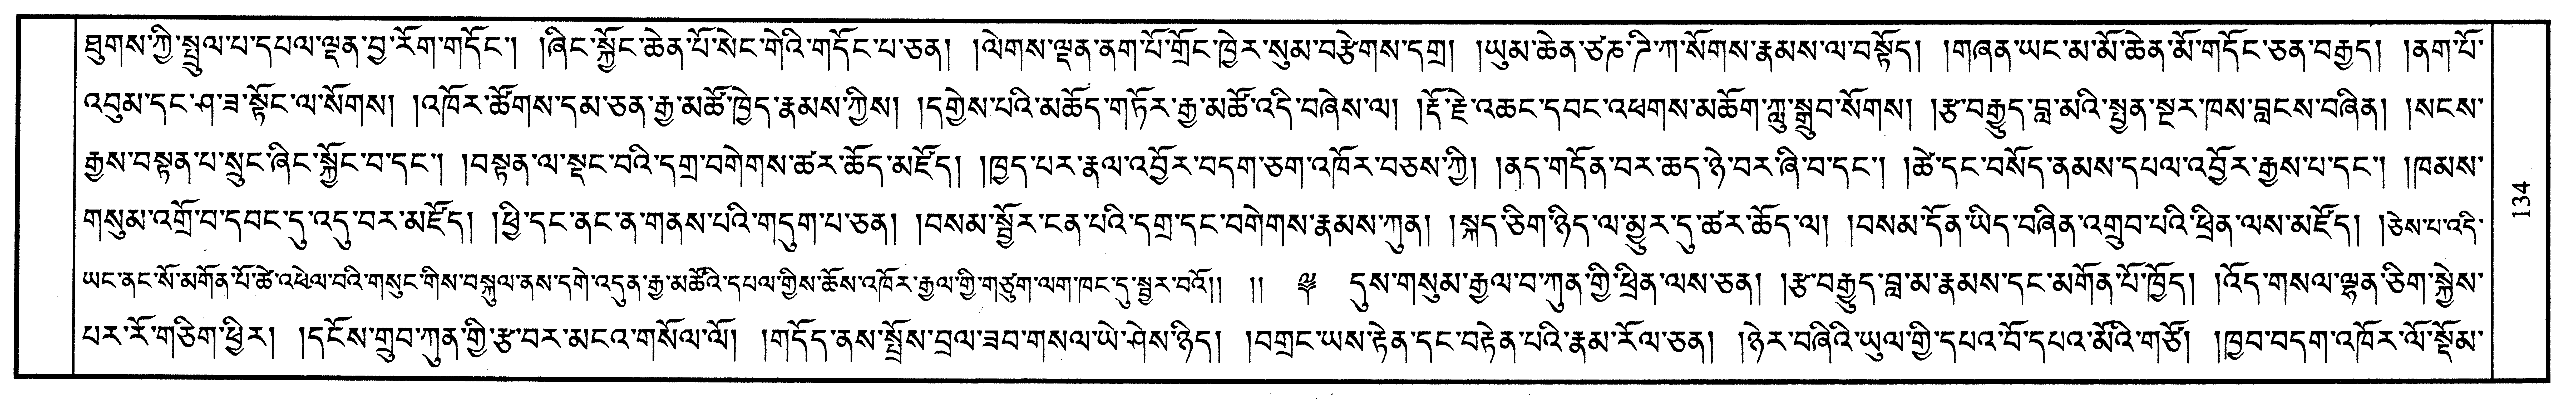ཐུགས་ཀྱི་སྤྲུལ་པ་དཔལ་ལྡན་བྱ་རོག་གདོང་། །ཞིང་སྐྱོང་ཆེན་པོ་སེང་གེའི་གདོང་པ་ཅན། །ལེགས་ལྡན་ནག་པོ་གྲོང་ཁྱེར་སུམ་བརྩེགས་དགྲ། །ཡུམ་ཆེན་ཙཎ་ཌི་ཀ་སོགས་རྣམས་ལ་བསྟོད། །གཞན་ཡང་མ་མོ་ཆེན་མོ་གདོང་ཅན་བརྒྱད། །ནག་པོ་
འབུམ་དང་ཤ་ཟ་སྟོང་ལ་སོགས། །འཁོར་ཚོགས་དམ་ཅན་རྒྱ་མཚོ་ཁྱེད་རྣམས་ཀྱིས། །དགྱེས་པའི་མཆོད་གཏོར་རྒྱ་མཚོ་འདི་བཞེས་ལ། །རྡོ་རྗེ་འཆང་དབང་འཕགས་མཆོག་ཀླུ་སྒྲུབ་སོགས། །རྩ་བརྒྱུད་བླ་མའི་སྤྱན་སྔར་ཁས་བླངས་བཞིན། །སངས་
རྒྱས་བསྟན་པ་སྲུང་ཞིང་སྐྱོང་བ་དང་། །བསྟན་ལ་སྡང་བའི་དགྲ་བགེགས་ཚར་ཆོད་མཛོད། །ཁྱད་པར་རྣལ་འབྱོར་བདག་ཅག་འཁོར་བཅས་ཀྱི། །ནད་གདོན་བར་ཆད་ཉེ་བར་ཞི་བ་དང་། །ཚེ་དང་བསོད་ནམས་དཔལ་འབྱོར་རྒྱས་པ་དང་། །ཁམས་
གསུམ་འགྲོ་བ་དབང་དུ་འདུ་བར་མཛོད། །ཕྱི་དང་ནང་ན་གནས་པའི་གདུག་པ་ཅན། །བསམ་སྦྱོར་ངན་པའི་དགྲ་དང་བགེགས་རྣམས་ཀུན། །སྐད་ཅིག་ཉིད་ལ་མྱུར་དུ་ཚར་ཆོད་ལ། །བསམ་དོན་ཡིད་བཞིན་འགྲུབ་པའི་ཕྲིན་ལས་མཛོད། །ཅེས་པ་འདི་
ཡང་ནང་སོ་མགོན་པོ་ཚེ་འཕེལ་བའི་གསུང་གིས་བསྐུལ་ནས་དགེ་འདུན་རྒྱ་མཚོའི་དཔལ་གྱིས་ཆོས་འཁོར་རྒྱལ་གྱི་གཙུག་ལག་ཁང་དུ་སྦྱར་བའོ།། །། ༈ དུས་གསུམ་རྒྱལ་བ་ཀུན་གྱི་ཕྲིན་ལས་ཅན། །རྩ་བརྒྱུད་བླ་མ་རྣམས་དང་མགོན་པོ་ཁྱོད། །འོད་གསལ་ལྷན་ཅིག་སྐྱེས་
པར་རོ་གཅིག་ཕྱིར། །དངོས་གྲུབ་ཀུན་གྱི་རྩ་བར་མངའ་གསོལ་ལོ། །གདོད་ནས་སྤྲོས་བྲལ་ཟབ་གསལ་ཡེ་ཤེས་ཉིད། །བགྲང་ཡས་རྟེན་དང་བརྟེན་པའི་རྣམ་རོལ་ཅན། །ཉེར་བཞིའི་ཡུལ་གྱི་དཔའ་བོ་དཔའ་མོའི་གཙོ། །ཁྱབ་བདག་འཁོར་ལོ་སྡོམ་